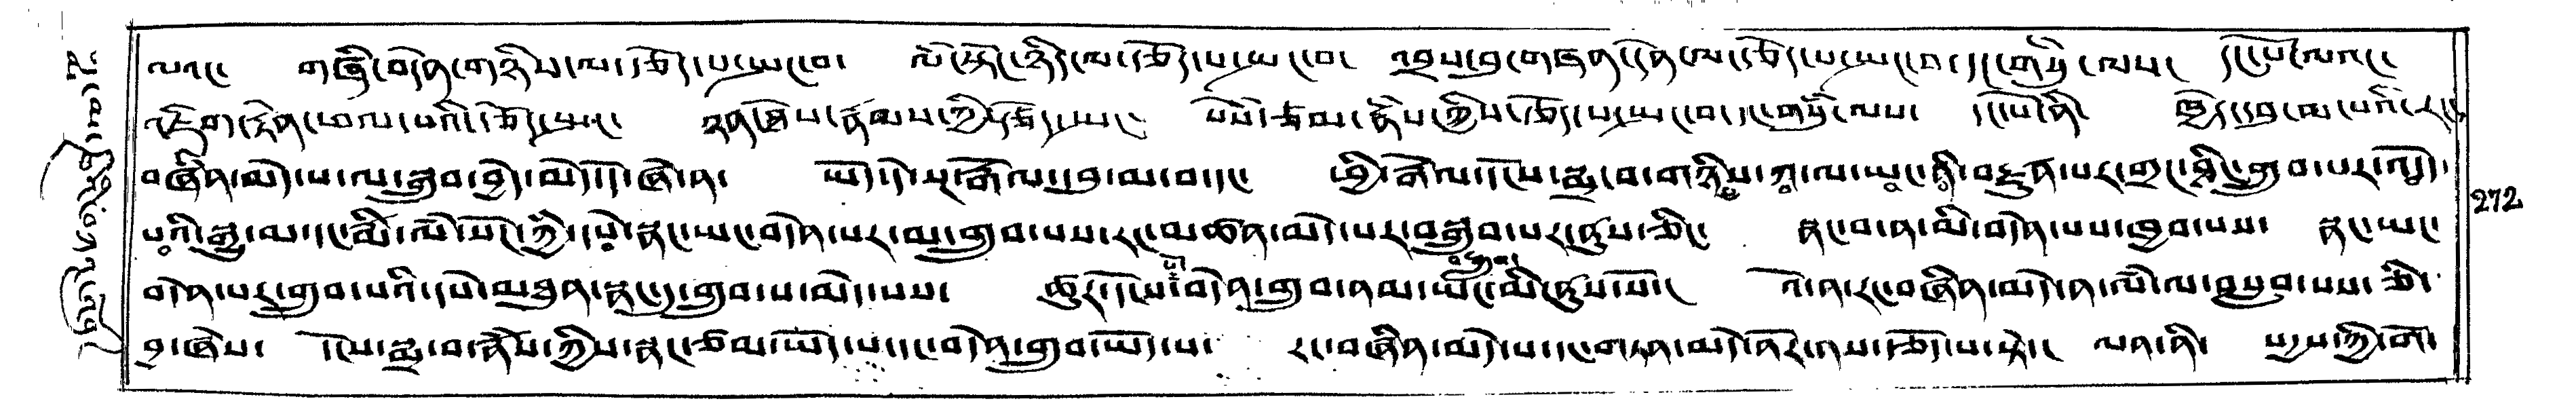ལའང་། གཞི་བདེན་གཉིས་ལ་རྩོད་པ་སྤོང་བ། ལམ་སྟོང་ཉིད་ལ་རྩོད་པ་སྤོང་བ། འབྲས་བུ་གཞན་དོན་ལ་རྩོད་པ་སྤོང་བ་དང་གསུམ་ལས། དང་པོ་ལའང་། 
འཇིག་རྟེན་ཕལ་པའི་རྩོད་སྤོང་། ཉན་ཐོས་རྣམས་ཀྱི་རྩོད་སྤོང་། སེམས་ཙམ་པ་རྣམས་ཀྱིས་རྩོད་པ་སྤོང་བ་དང་གསུམ་ལས། དང་པོ་ནི། ཁྱོད་དབུ་མ་པའི་རང་
བཞིན་མེད་པ་ལ་སྒྲུབ་བྱེད་མེད་དོ་ཞེ་ན། ཡོད་དེ་སྔ་རྒོལ་དབུ་མ་པ་དང་། ཕྱི་རྒོལ་དངོས་སྨྲ་བ་གཉིས་ཀ་ལ་ཡང་ནི་རྫུན་པར་གྲགས་ཤིང་གྲུབ་པར་འདོད་
པའི་སྒྱུ་མ་དང་རྨི་ལམ་སོགས་ཀྱི་དཔེ་སྣང་ཡང་བདེན་པར་མ་གྲུབ་པས་རང་མཚན་མེད་པར་བསྒྲུབ་པར་ནུས་ཤིང་། སྣང་བ་རྣམས་མི་བདེན་པས་ཁྱབ་པས། སྣང་ཡང་
བདེན་པར་གྲུབ་པའི་དཔེ་མཐུན་སྣང་དུ་གྲུབ་པ་མེད་པས། ཚུར་དངོས་པོ་བདེན་གྲུབ་ནམ་ཡང་བསྒྲུབ་མི་ནུས་སོ། འོ་ན་རང་བཞིན་མེད་ན་ལམ་ལ་བསླབས་པས་ཅི་
བྱ་ཞེས། དངོས་སྨྲ་བ་རྣམས་ཀྱིས་སྣང་ཙམ་ཡོད་པ་དང་བདེན་གྲུབ་ཡོད་པ། རང་བཞིན་མེད་པ་དང་གཏན་མེད་ནོར་ནས་བརྩོད་པ་སྟེ། ལན་ནི། སངས་རྒྱས་ཀྱི་གོ་